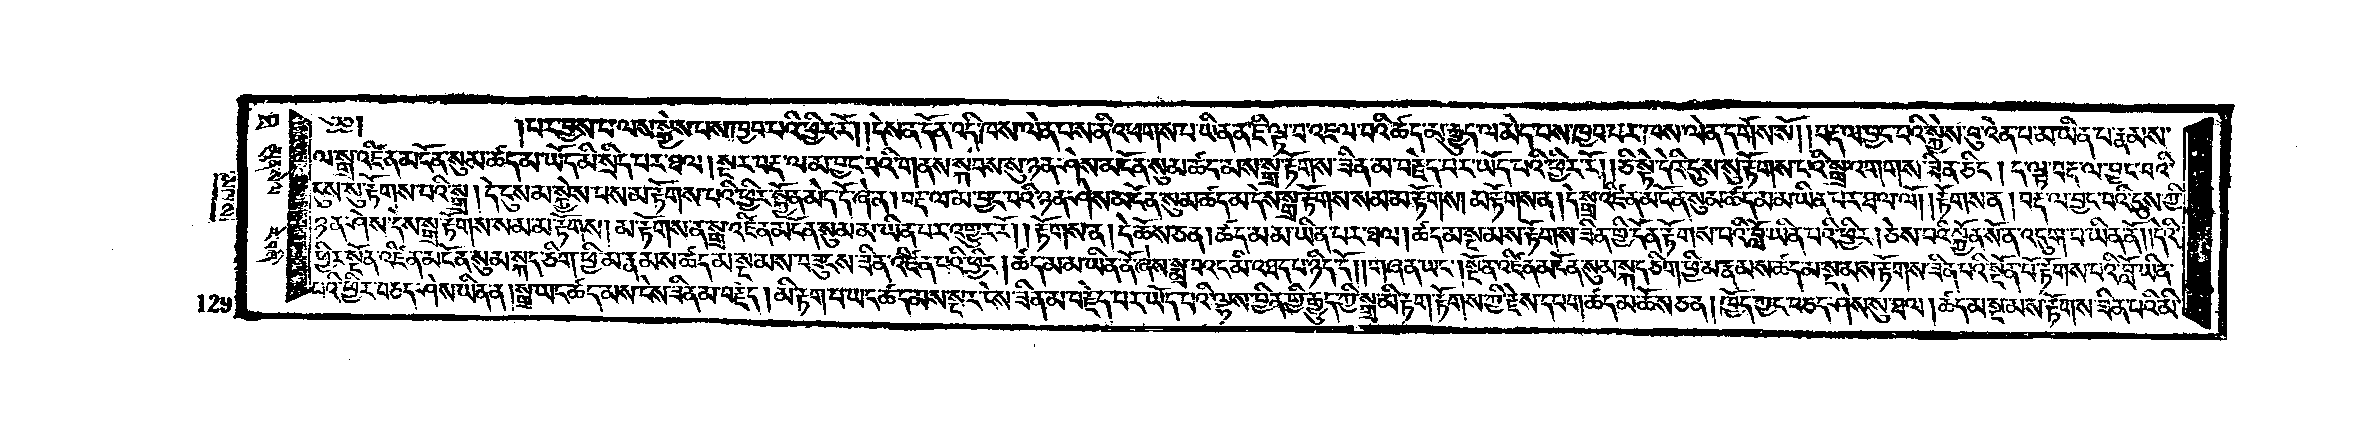༄༅། །པར་བྱས་པ་ལས་སྐྱེས་པས་ཁྱབ་པའི་ཕྱིར་རོ། །དེས་ན་དོན་འདི་ཁས་ལེན་པས་ནི་འཕགས་པ་ཡིན་ན་ཇི་ལྟ་བ་འཇལ་བའི་ཚད་མ་རྒྱུད་ལ་མེད་པས་ཁྱབ་པར་ཁས་ལེན་དགོས་སོ། །བརྡ་ལ་བྱང་བའི་སྐྱེས་བུ་འོན་པ་མ་ཡིན་པ་རྣམས་
ལ་སྒྲ་འཛིན་མངོན་སུམ་ཚད་མ་ཡོད་མི་སྲིད་པར་ཐལ། སྔར་བརྡ་ལ་མ་བྱང་བའི་གནས་སྐབས་སུ་ཉན་ཤེས་མངོན་སུམ་ཚད་མས་སྒྲ་རྟོགས་ཟིན་མ་བརྗོད་པར་ཡོད་པའི་ཕྱིར་རོ། །ཅི་སྟེ་དེའི་དུས་སུ་རྟོགས་པའི་སྒྲ་འགགས་ཟིན་ཅིང་། ད་ལྟ་བརྡ་ལ་བྱང་བའི་
དུས་སུ་རྟོགས་པའི་སྒྲ། དེ་དུས་མ་སྐྱེས་པས་མ་རྟོགས་པའི་ཕྱིར་སྐྱོན་མེད་དོ་ཞེ་ན། བརྡ་ལ་མ་བྱང་བའི་ཉན་ཤེས་མངོན་སུམ་ཚད་མ་དེས་སྒྲ་རྟོགས་སམ་མ་རྟོགས། མ་རྟོགས་ན། དེ་པྶྒྲ་འཛིན་མངོན་སུམ་ཚད་མ་མ་ཡིན་པར་ཐལ་ལོ། །རྟོགས་ན། བརྡ་ལ་བྱང་བའི་དུས་ཀྱི་
ཉན་ཤེས་དེས་སྒྲ་རྟོགས་སམ་མ་རྟོགས། མ་རྟོགས་ན་སྒྲ་འཛིན་མངོན་སུམ་མ་ཡིན་པར་འགྱུར་རོ། །རྟེགས་ན། དེ་ཆོས་ཅན། ཚད་མ་མ་ཡིན་པར་ཐལ། ཚད་མ་སྔ་མས་རྟོགས་ཟིན་གྱི་དོན་རྟོགས་པའི་བློ་ཡིན་པའི་ཕྱིར། ཅེས་པའི་སྐྱོན་སོ་ན་འདུག་པ་ཡིན་ནོ་དེའི་
ཕྱིར་སྔོན་འཛིན་མངོན་སུམ་སྐད་ཅིག་ཕྱི་མ་རྣམས་ཚད་མ་སྔ་མས་བཟུངས་ཟིན་འཛིན་པའི་ཕྱིར། ཚད་མ་མ་ཡིན་ནོ་ཞེས་སྨྲ་བའང་མི་འཐད་པ་ཉིད་དོ། །གཞན་ཡང་། སྔོན་འཛིན་མངོན་སུམ་སྐད་ཅིག་ཕྱི་མ་རྣམས་ཚད་མ་སྔ་མས་རྟོགས་ཟིན་པའི་སྔོན་པོ་རྟོགས་པའི་བློ་ཡིན་
པའི་ཕྱིར་བཅད་ཤེས་ཡིན་ན། སྒྲ་ཡང་ཚད་མས་ངེས་ཟིན་མ་བརྗོད། མི་རྟག་པ་ཡང་ཚད་མས་སྔར་ངེས་ཟིན་མ་བརྗེད་པར་ཡོད་པའི་ལྷས་བྱིན་གྱི་རྒྱུད་ཀྱི་སྒྲ་མི་རྟག་རྟོགས་ཀྱི་རྗེས་དཔག་ཚད་མ་ཆོས་ཅན། ཁྱོད་ཀྱང་བཅད་ཤེས་སུ་ཐལ། ཚད་མ་སྔ་མས་རྟོགས་ཟིན་པའི་མི་